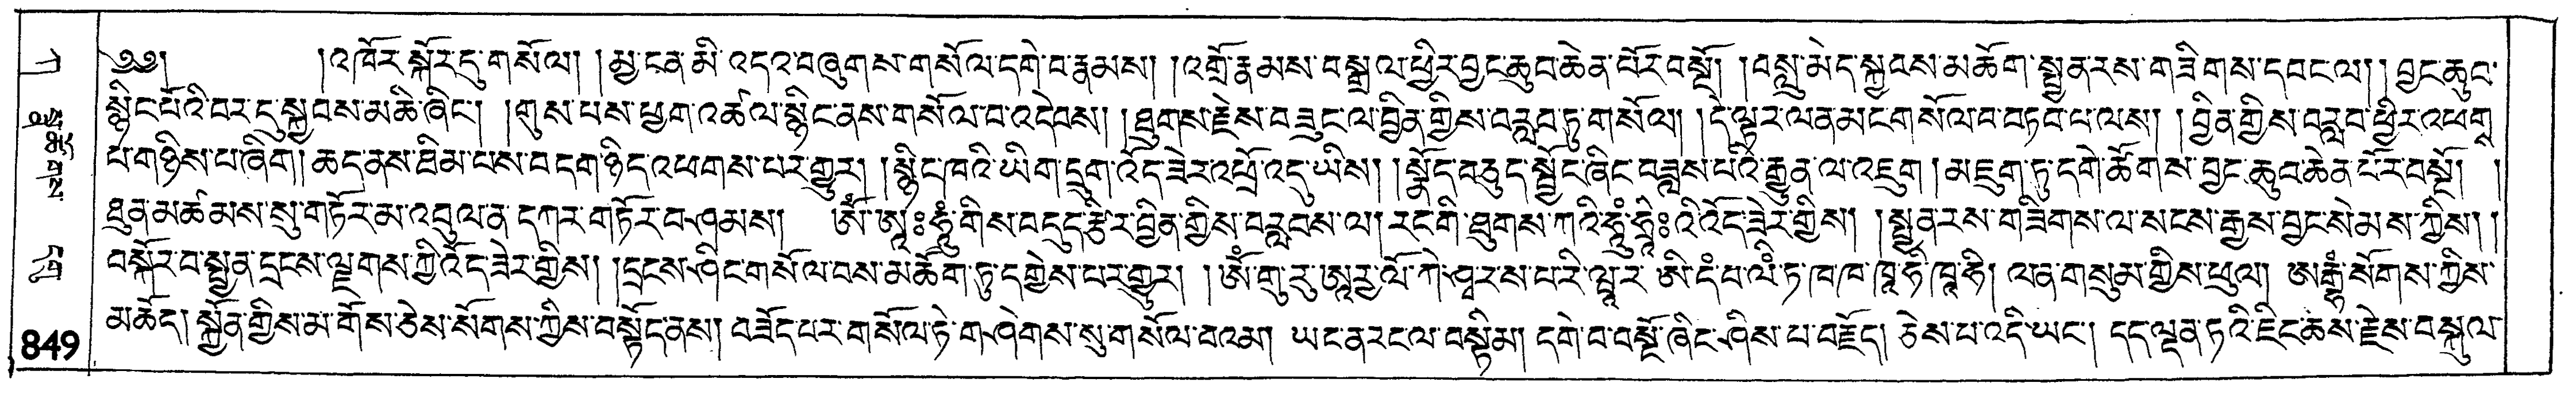༄༅། །འཁོར་སྐོར་དུ་གསོལ། །མྱ་ངན་མི་འདའ་བཞུགས་གསོལ་དགེ་བ་རྣམས། །འགྲོ་རྣམས་བསྒྲལ་ཕྱིར་བྱང་ཆུབ་ཆེན་པོར་བསྔོ། །བསླུ་མེད་སྐྱབས་མཆོག་སྤྱན་རས་གཟིགས་དབང་ལ། །བྱང་ཆུབ་
སྙིང་པོའི་བར་དུ་སྐྱབས་མཆི་ཞིང་། །གུས་པས་ཕྱག་འཚལ་སྙིང་ནས་གསོལ་བ་འདེབས། །ཐུགས་རྗེས་བཟུང་ལ་བྱིན་གྱིས་བརླབ་ཏུ་གསོལ། །དེ་ལྟར་ལན་མང་གསོལ་བ་བཏབ་པ་ལས། །བྱིན་གྱིས་བརླབ་ཕྱིར་འཕགས་
པ་གཉིས་པ་ཞིག །ཆད་ནས་ཐིམ་པས་བདག་ཉིད་འཕགས་པར་གྱུར། །སྙིང་ཁའི་ཡིག་དྲུག་འོད་ཟེར་འཕྲོ་འདུ་ཡིས། །སྣོད་བཅུད་སྦྱོང་ཞིང་བཟླས་པའི་རྒྱུན་ལ་འཇུག །མཇུག་ཏུ་དགེ་ཚོགས་བྱང་ཆུབ་ཆེན་པོར་བསྔོ། །
ཐུན་མཚམས་སུ་གཏོར་མ་འབུལ་ན་དཀར་གཏོར་བཤམས། ཨོཾ་ཨཱཿ ཧཱུཾ་གིས་བདུད་རྩིར་བྱིན་གྱིས་བརླབས་ལ། རང་གི་ཐུགས་ཀའི་ཧཱུཾ་ཧྲཱིཿ འི་འོད་ཟེར་གྱིས། །སྤྱན་རས་གཟིགས་ལ་སངས་རྒྱས་བྱང་སེམས་ཀྱིས། །
བསྐོར་བ་སྤྱན་དྲངས་ལྗགས་ཀྱི་འོད་ཟེར་གྱིས། །དྲངས་ཤིང་གསོལ་བས་མཆོག་ཏུ་དགྱེས་པར་གྱུར། །ཨོཾ་གུ་རུ་ཨཱརྱ་ལོ་ཀེ་ཤྭ་ར་ས་པ་རི་ཝཱ་ར་ཨི་དཾ་པ་ལཾ་ཏ་ཁ་ཁ་ཁཱ་ཧི་ཁཱ་ཧི། ལན་གསུམ་གྱིས་ཕུལ། ཨརྒྷཾ་སོགས་ཀྱིས་
མཆོད། སྐྱོན་གྱིས་མ་གོས་ཅེས་སོགས་ཀྱིས་བསྟོད་ནས། བཟོད་པར་གསོལ་ཏེ་གཤེགས་སུ་གསོལ་བའམ། ཡང་ན་རང་ལ་བསྟིམ། དགེ་བ་བསྔོ་ཞིང་ཤིས་པ་བརྗོད། ཅེས་པ་འདི་ཡང་། དད་ལྡན་ཏའི་ཇིང་ཆས་རྗེས་བསྐུལ་